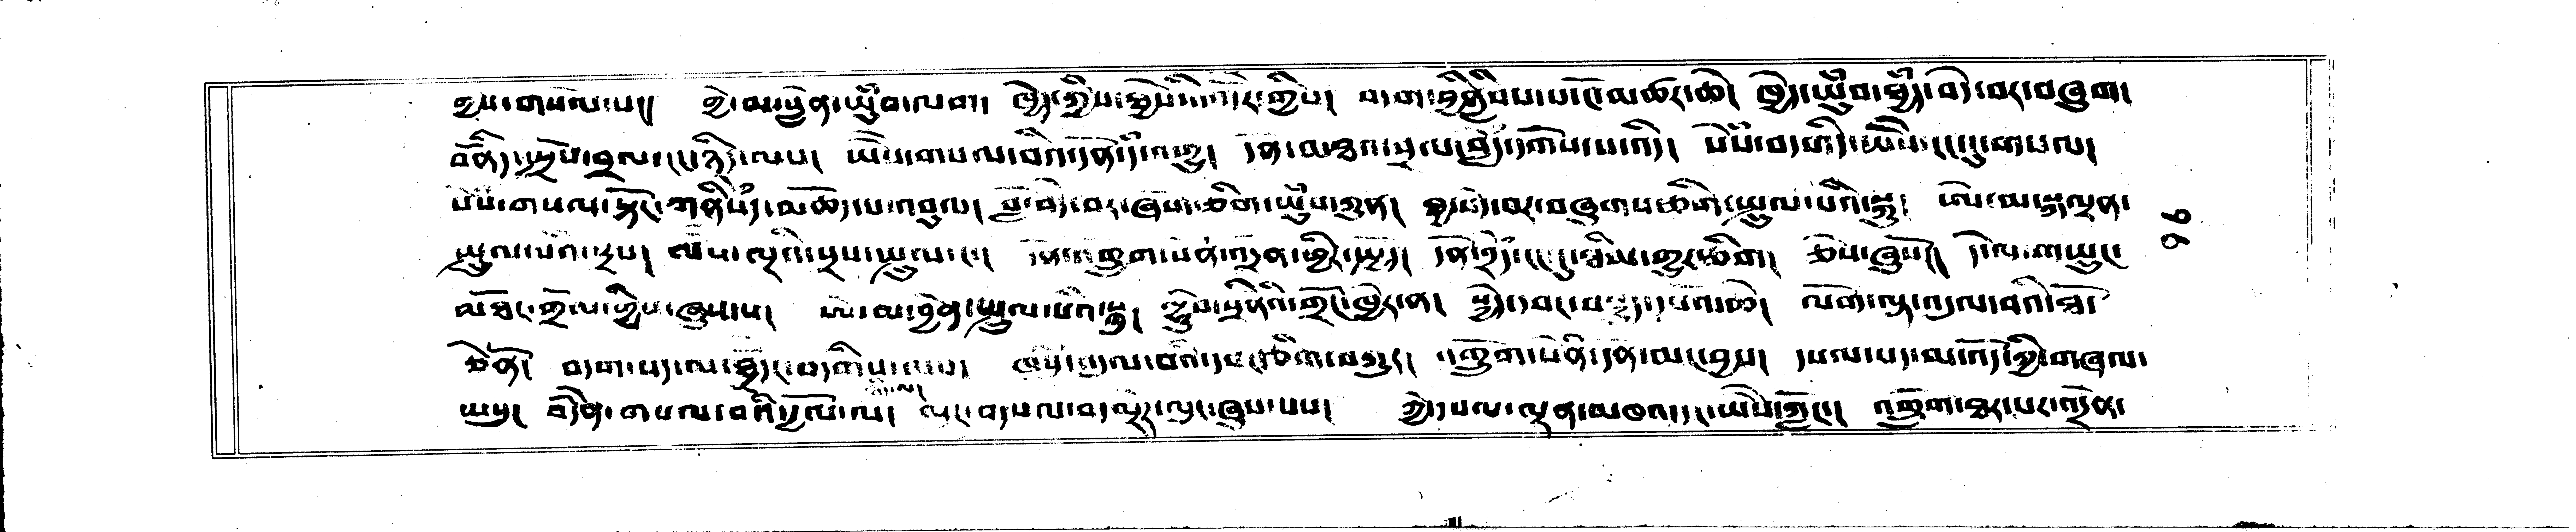གྱིས་གསོལ་པ། ཀྱེ་མ་བླ་ཆེན་ཡབ་ཡུམ་ལགས། ཁྱེད་ཀྱི་ཐུགས་རྗེའི་འོད་ཟེར་གྱིས། བདག་བྱིན་གྱིས་བརླབས་པ་ངོ་མཚར་ཆེ། ཁྱེད་ཡབ་ཡུམ་ཐུགས་དམ་བདེ་བར་བཞུགས། 
བོན་ཉིད་སྤྲོས་བྲལ་ངང་ཉིད་ལས། ཡེ་ཤེས་གསལ་བའི་དོན་དམ་འགྱུ། དོན་མཐའ་བྲལ་བླ་མེད་དགོངས་པ་འདི། སེམས་བདག་ཉིད་ཡེ་ཤེས་ངང་དུ་གསལ། 
སེམས་གསལ་སྟོང་གཉིས་མེད་མཆོད་པ་འབུལ། བློ་བདེ་བར་ཞོག་ཅིག་ཡབ་ཡུམ་ཀུན། ཐུགས་བདེ་བར་བཞུགས་ཤིག་སྤྲུལ་པའི་སྐུ། ཨེ་མ་སྐལ་ལྡན་
སྤྲུལ་པའི་སྲས། ཡེ་ཤེས་ལྔ་ཡི་སྲས་སྤྲུལ་ང་། དོན་འགྲོ་དྲུག་སེམས་ཅན་འདྲེན་ཕྱིར་སྤྱོད། དོན་གཉིས་མེད་ངང་དུ་ཐིམ་གྱུར་ཅིག །ཅེས་ཞུས་སོ། །དེ་ལ་གཡུང་དྲུང་
མཐོང་གྲོལ་གྱིས་ཞུས་པ། ཨེ་མ་བླ་ཆེན་སྤྲུལ་པའི་སྐུ། ལྷོ་ནུབ་སྲིན་པོའི་གྲོང་ཁྱེར་ན། སྡེ་བརྒྱད་དབང་སྡུད་དཔའ་བོ་ཆེ། ལོག་ལྟ་འདུལ་བའི་ཐོ་
ཆེན་ནོ། བདག་པད་མ་ཐོང་ཕྲེང་བདག་གི་ལས། ཁམས་གསུམ་འདུལ་བའི་དབང་ཅིག་བསྐུར། འགྲོ་དྲུག་སེམས་ཅན་དོན་མང་བྱས། དཔལ་པད་མ་འོད་ཀྱི་གཞལ་
ཡས་སུ། བདེ་ཆེན་གསལ་བའི་རྒྱལ་པོ་ལ། ལུང་བསྩལ་༼དབང་བསྐུར༽ལུང་ཞུས་པས། ཀྱེ་དཔལ་ལྡན་མཁའ་དང་ཡེ་ཤེས་ཀློང་། འགྲོ་དྲུག་ཐར་པར་འདྲེན་